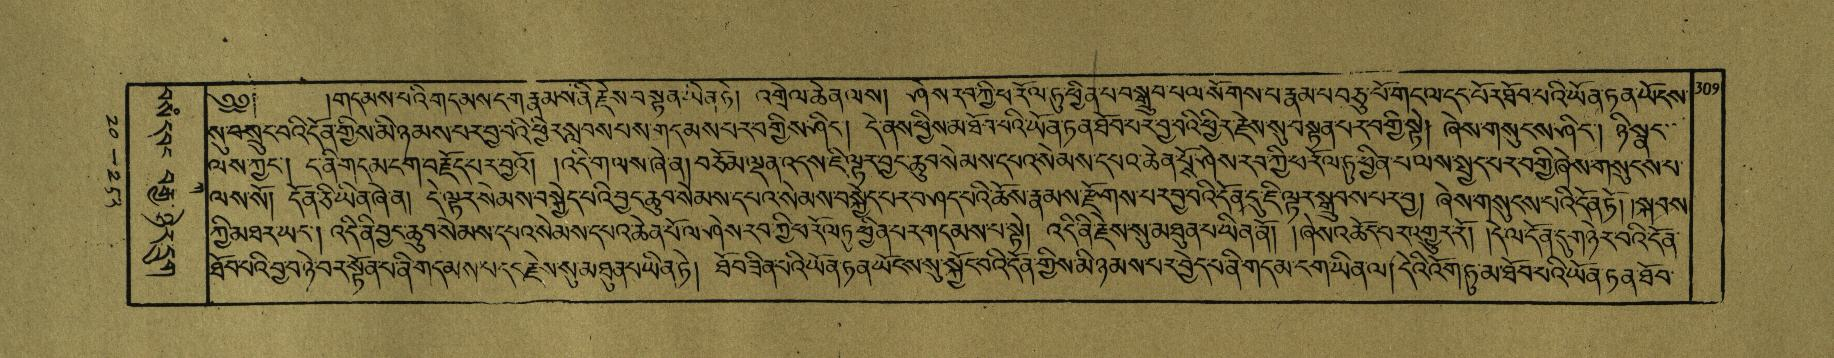༄༅། །གདམས་པའི་གདམས་ངག་རྣམས་ནི་རྗེས་བསྟན་ཡིན་ཏེ། འགྲེལ་ཆེན་ལས། ཤེས་རབ་ཀྱི་ཕ་རོལ་ཏུ་ཕྱིན་པ་བསྒྲུབ་པ་ལ་སོགས་པ་རྣམ་པ་བཅུ་པོ་གང་ལ་དང་པོར་ཐོབ་པའི་ཡོན་ཏན་ཡོངས་
སུ་བསྲུང་བའི་དོན་གྱིས་མི་ཉམས་པར་བྱ་བའི་ཕྱིར་སླབས་པས་གདམས་པར་བགྱིས་ཤིང་། དེ་ནས་ཕྱིས་མ་ཐོབ་པའི་ཡོན་ཏན་ཐོབ་པར་བྱ་བའི་ཕྱིར་རྗེས་སུ་བསྟན་པར་བགྱི་སྟེ། ཞེས་གསུངས་ཤིང་། ཉི་སྣང་
ལས་ཀྱང་། ད་ནི་གདམ་ངག་བརྗོད་པར་བྱའོ། །འདི་ག་ལས་ཞེ་ན། བཅོམ་ལྡན་འདས་ཇི་ལྟར་བྱང་ཆུབ་སེམས་དཔའ་སེམས་དཔའ་ཆེན་པོས་ཤེས་རབ་ཀྱི་ཕ་རོལ་ཏུ་ཕྱིན་པ་ལས་སྤྱད་པར་བགྱི་ཞེས་གསུངས་པ་
ལས་སོ། དོན་ཅི་ཡིན་ཞེ་ན། དེ་ལྟར་སེམས་བསྐྱེད་པའི་བྱང་ཆུབ་སེམས་དཔའ་སེམས་བསྐྱེད་པར་བཤད་པའི་ཆོས་རྣམས་རྫོགས་པར་བྱ་བའི་དོན་དུ་ཇི་ལྟར་སྒྲུབས་པར་བྱ། ཞེས་གསུངས་པའི་དོན་ཏོ། །སྐབས་
ཀྱི་མཐར་ཡང་། འདི་ནི་བྱང་ཆུབ་སེམས་དཔའ་སེམས་དཔའ་ཆེན་པོ་ལ་ཤེས་རབ་ཀྱི་ཕ་རོལ་ཏུ་ཕྱིན་པར་གདམས་པ་སྟེ། འདི་ནི་རྗེས་སུ་མཐུན་པ་ཡིན་ནོ། །ཞེས་འཆོད་པར་འགྱུར་རོ། །དེ་ལ་དོན་དུ་གཉེར་བའི་དོན་
ཐོབ་པའི་བྱ་བ་ཉེ་བར་སྟོན་པ་ནི་གདམས་པ་དང་རྗེས་སུ་མཐུན་པ་ཡིན་ཏེ། ཐོབ་ཟིན་པའི་ཡོན་ཏན་ཡོངས་སུ་སྐྱོང་བའི་དོན་གྱིས་མི་ཉམས་པར་བྱེད་པ་ནི་གདམས་ངག་ཡིན་ལ། དེའི་འོག་ཏུ་མ་ཐོབ་པའི་ཡོན་ཏན་ཐོབ་